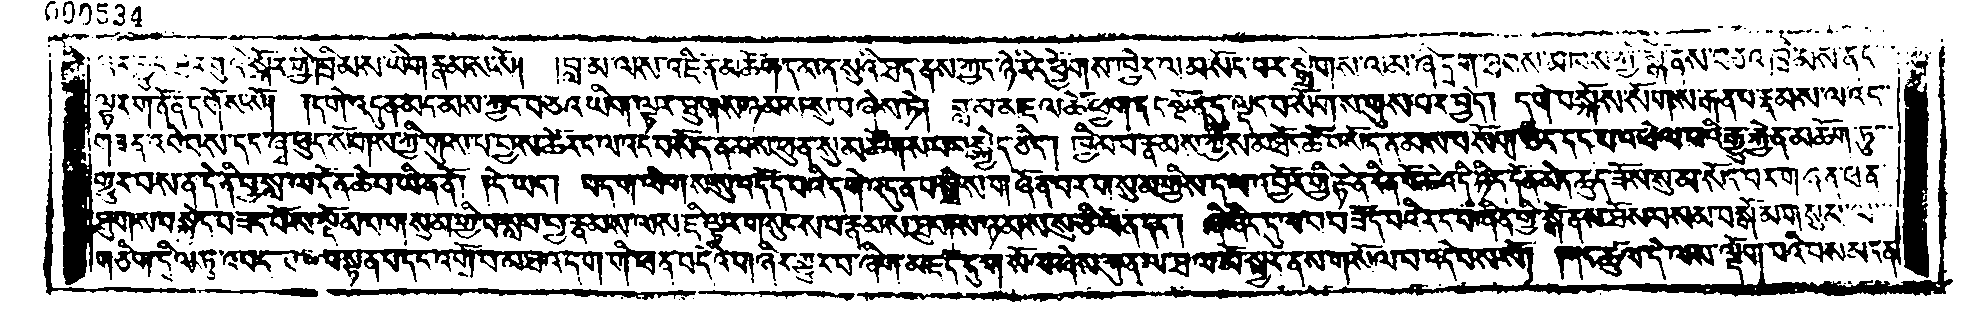ཞར་བྱུང་ཐོར་བུའི་སྐོར་གྱི་ཁྲིམས་ཡིག་རྣམས་སོ། །བླ་མ་ལས་འཛིན་མཆོག་དམན་སུའི་ཐད་ནས་ཀྱང་ཉེ་རིང་ཕྱོགས་ཁྱེར་ལམ་སོང་བར་སྒྲིགས་ལམ་ཞི་དྲག་ཐབས་མཁས་ཀྱི་སྒོ་ནས་བཅའ་ཁྲིམས་ནང་
ལྟར་གནོན་དགོས་སོ། །དགེ་འདུན་མང་མས་ཀྱང་བཅའ་ཡིག་ལྟར་ཐུགས་ཉམས་སུ་བཞེས་ཏེ། བླ་མ་མཇལ་ཚེ་ཕྱག་དང་སྔོན་དུ་ལྡང་བ་སོགས་གུས་པར་བྱེད། དགེ་བསྐོས་སོགས་རྒན་པ་རྣམས་ལའང་
གཟན་འབེབས་དང་ཞྭ་ཕུད་སོགས་ཀྱི་གུས་པ་བྱས་ཚེ་རང་ལའང་བསོད་ནམས་ཕུན་སུམ་ཚོགས་པ་བསྐྱེད་ཅིང་། ཁྱིམ་པ་རྣམས་ཀྱིས་མཐོང་ཚེ་བསོད་ནམས་བསོག་ཅིང་དད་པ་འཕེལ་བའི་རྒྱུ་རྐྱེན་མཆོག་ཏུ་
གྱུར་བས་ན་དེ་ནི་བྱ་སླ་ལ་དོན་ཆེ་པ་ཡིན་ནོ། །དེ་ཡང་། བདག་ལེགས་སུ་འདོད་པའི་དགེ་འདུན་བསྒྲེས་གཞོན་བར་གསུམ་གྱིས་དལ་འབྱོར་གྱི་རྟེན་རིན་པོ་ཆེ་འདི་ཉིད་དོན་མེད་ཆུད་ཟོས་སུ་མ་སོང་བར་གཞན་ཕུན་
ཐུགས་བསྐྱེད་བཟང་པོས་སྡོམ་པ་གསུམ་གྱི་བསླབ་བྱ་རྣམས་ལས་ཇི་ལྟར་གསུངས་པ་རྣམས་ཐུགས་ཉམས་སུ་ཅི་ལོན་དང་། ཞི་ཞིང་དུལ་བ་བཟོད་པའི་རང་བཞིན་གྱི་སྒོ་ནས་ཐོས་བསམ་བསྒོམ་གསུམ་ལ་
གཅིག་དྲིལ་ཏུ་འབད་པས་བསྟན་པ་དང་འགྲོ་བ་མཐའ་དག་གི་ཕན་བདེའི་གཞིར་གྱུར་བ་ཞིག་མཛད་དུ་གསོལ་ཞེས་ཀུན་ལ་ཐལ་མོ་སྦྱར་ནས་གསོལ་བ་འདེབས་སོ། །དང་ཚུལ་དེ་ལས་ལྡོག་པའི་བསམ་ངན་